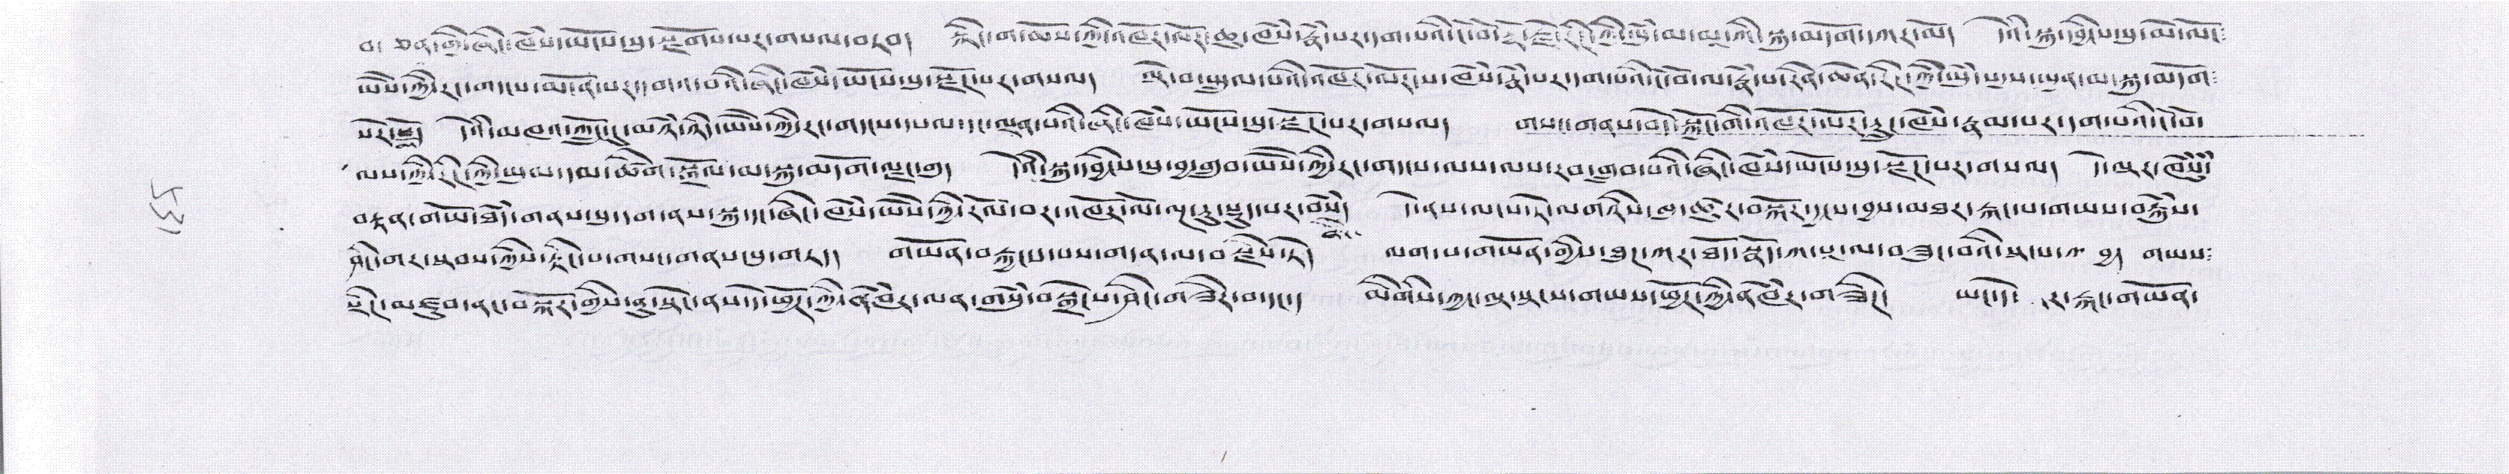བ་ཅན་གྱི་ཞིང་ཁམས་ཡོངས་སུ་རྫོགས་པར་གསལ་བཏབ། སྙིང་ག་ཆོས་ཀྱི་འཁོར་ལོར་ཆུ་ཁམས་རྣམ་པར་དག་པའི་ངོ་བོར་རྡོ་རྗེ་རིགས་ཀྱི་ཡུམ་མ་མཱ་ཀི་སྐུ་མདོག་དཀར་མོ། དེའི་སྐུ་དབྱིངས་སུ་མེ་ལོང་
ཡེ་ཤེས་ཀྱི་རང་གདངས་མངོན་པར་དགའ་བའི་ཞིང་ཁམས་ཡོངས་སུ་རྫོགས་པར་གསལ་གདབ། ལྟེ་བ་སྤྲུལ་པའི་འཁོར་ལོར་ས་ཁམས་རྣམ་པར་དག་པའི་ངོ་བོ་ལ་རྣམ་པ་རིན་ཆེན་རིགས་ཀྱི་ཡུམ་སངས་རྒྱས་སྤྱན་མ་སྐུ་མདོག་
སེར་མོ། དེའི་མཁའ་ཀློང་དུ་མཉམ་ཉིད་ཡེ་ཤེས་ཀྱི་རང་གདངས་དཔལ་དང་ལྡན་པའི་ཞིང་ཁམས་ཡོངས་སུ་རྫོགས་པར་གསལ། གསང་གནས་བདེ་སྐྱོང་གི་འཁོར་ལོར་རླུང་ཁམས་རྣམ་པར་དག་པའི་ངོ་བོ་
ལས་ཀྱི་རིགས་ཀྱི་ཡུམ་སྐུ་དམ་ཚིག་སྒྲོལ་མ་སྐུ་མདོག་ལྗང་གུ། དེའི་སྐུ་དབྱིངས་སུ་བྱ་གྲུབ་ཡེ་ཤེས་ཀྱི་རང་གདངས་ལས་ལས་རབ་གྲུབ་པའི་ཞིང་ཁམས་ཡོངས་སུ་རྫོགས་པར་གསལ། དེ་ལྟར་ཁམས་གསུམ་
བརྟན་གཡོ་ཐམས་ཅད་གནས་སུ་དག་ནས་སྐུ་དང་ཞིང་ཁམས་ཡེ་ཤེས་ཀྱི་རོལ་པར་འཁོར་ལོ་ལྔ་རུ་སྡུད་པར་བསམ་ཞིང་། དེ་ལས་ལངས་ཏེ་ལག་གཉིས་ཁུ་ཚུར་བསྐོར་རྒྱངས་བྱས་མཐར་རྐང་པ་གཡས་བསྐུམ་
ཞིང་གར་སྟབས་ཀྱི་རྟིང་པ་གསང་གནས་སུ་གཏད། གཡོན་བརྐྱངས་པས་གདན་ལ་བརྫིས་ཏེ། ལག་པ་གཡོན་གྱིས་ཐུགས་ཀར་ཐོད་སྣོད་ཀ་པཱ་ལ་བཟུང་བའི་སྟངས་ཀ་བྱ། གཡས་
སྡིགས་མཛུབ་ནང་བསྐོར་གྱིས་ནུ་སྟེང་ནས་དེ་ཕྱོགས་ཀྱི་ནམ་མཁར་ལན་གསུམ་བསྒྲེངས་ཤིང་གཟིར་བ་དང་། མིག་གིས་ཀྱང་ལྟ་སྟངས་གཡས་ཕྱོགས་ཀྱི་ནམ་མཁར་གཟིགས། ཡང་དེ་ལྟར་རྐང་གཡོན་